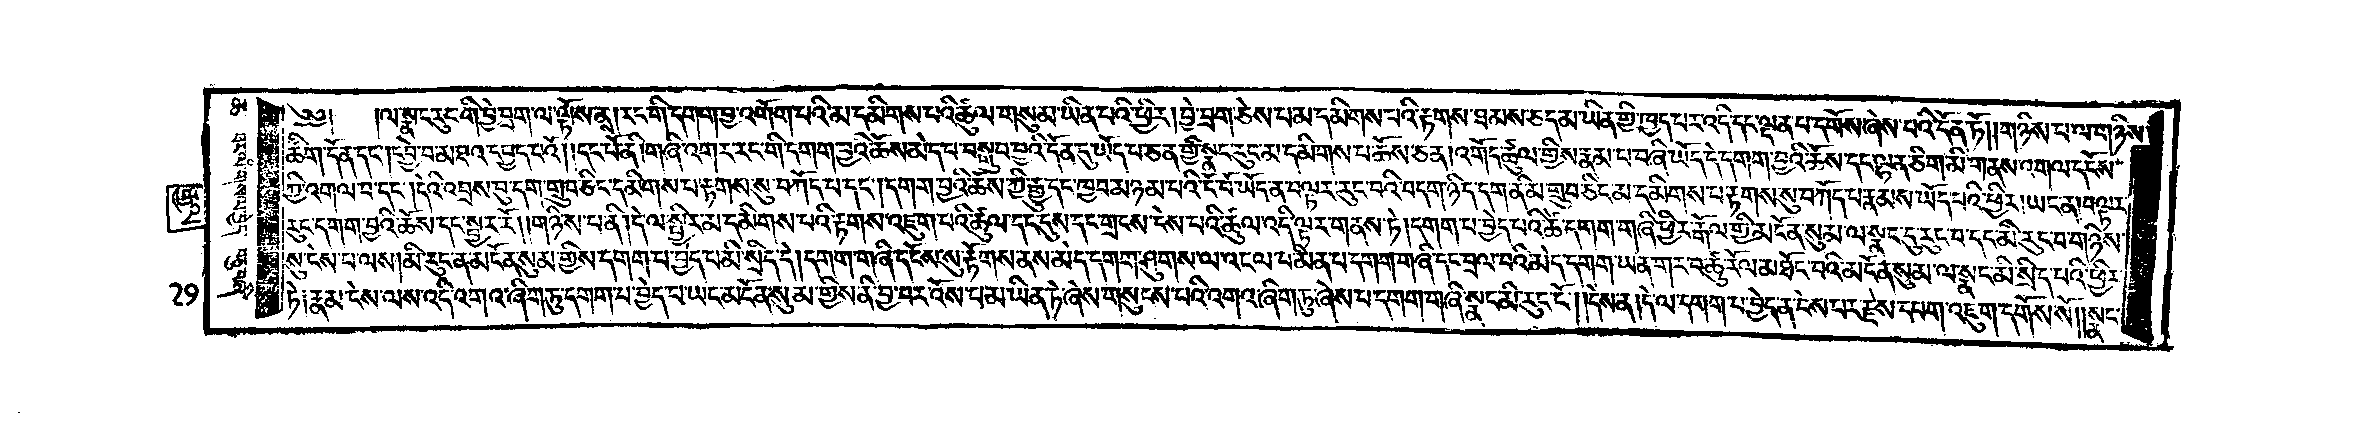༄༅། །ལ་སྣང་རུང་གི་བྱེ་བྲག་ལ་ལྟོས་ནས། རང་གི་དགག་བྱ་འགོག་པའི་མ་དམིགས་པའི་ཚུལ་གསུམ་ཡིན་པའི་ཕྱིར། བྱེ་བྲག་ཅེས་པ་མ་དམིགས་པའི་རྟགས་ཐམས་ཅད་མ་ཡིན་གྱི་ཁྱད་པར་འདི་དང་ལྡན་པ་དགོས་ཞེས་པའི་དོན་ཏོ། །གཉིས་པ་ལ་གཉིས།
ཚིག་དོན་དང་། དབྱེ་བ་མཐའ་དཔྱད་པའོ། །དང་པོ་ནི། གཞི་འགར་རང་གི་དགག་བྱའི་ཆོས་མེད་པ་བསྒྲུབ་བྱའི་དོན་དུ་ཡོད་པ་ཅན་གྱི་སྣང་རུང་མ་དམིགས་པ་ཆོས་ཅན། འགོད་ཚུལ་གྱིས་རྣམ་པ་བཞི་ཡོད་དེ་དགག་བྱའི་ཆོས་དང་ལྷན་ཅིག་མི་གནས་འགལ་དངོས་
ཀྱི་འགལ་བ་དང་། དེའི་འབྲས་བུ་དག་གྲུབ་ཅིང་དམིགས་པ་རྟགས་སུ་བཀོད་པ་དང་། དགག་བྱའི་ཆོས་ཀྱི་རྒྱུ་དང་ཁྱབ་མཉམ་པའི་ངོ་བོ་ཡོད་ན་བལྟར་རུང་བའི་བདག་ཉིད་དག་ནི་མ་གྲུབ་ཅིང་མ་དམིགས་པ་རྟགས་སུ་བཀོད་པ་རྣམས་ཡོད་པའི་ཕྱིར། ཡང་ན། བལྟར་
རུང་དགག་བྱའི་ཆོས་དང་སྦྱར་རོ། །གཉིས་པ་ནི། དེ་ལ་སྤྱིར་མ་དམིགས་པའི་རྟགས་འཇུག་པའི་ཚུལ་དང་དུས་དང་གྲངས་ངེས་པའི་ཚུལ་འདི་ལྟར་གནས་ཏེ། དགག་པ་བྱེད་པའི་ཚེ་དགག་གཞི་ཕྱིར་རྒོལ་གྱི་མངོན་སུམ་ལ་སྣང་དུ་རུང་བ་དང་མི་རུང་བ་གཉིས་
སུ་ངེས་པ་ལས། མི་རུང་ན་མངོན་སུམ་གྱིས་དགག་པ་བྱེད་པ་མི་སྲིད་དེ། དགག་གཞི་དངོས་སུ་རྟོགས་ནས་མེད་དགག་ཤུགས་ལ་འྔལ་?་པ་མིན་པ་དགག་གཞི་དང་བྲལ་བའི་མེད་དགག་ཡན་གར་བ་ཚུ་རོལ་མཐོང་བའི་མངོན་སུམ་ལ་སྣང་མི་སྲིད་པའི་ཕྱིར་
ཏེ༑ རྣམ་ངེས་ལས་འདི་འགའ་ཞིག་ཏུ་དགག་པ་བྱེད་པ་ཡང་མངོན་སུམ་གྱིས་ནི་བྱ་བར་འོས་པ་མ་ཡིན་ཏེ་ཞེས་གསུངས་པའི་འགའ་ཞིག་ཏུ་ཞེས་པ་དགག་གཞི་སྣང་མི་རུང་ངོ། །དེས་ན། དེ་ལ་དགག་པ་བྱེད་ན་ངེས་པར་རྗས་དཔག་འཇུག་དགོས་སོ། །སྣང་